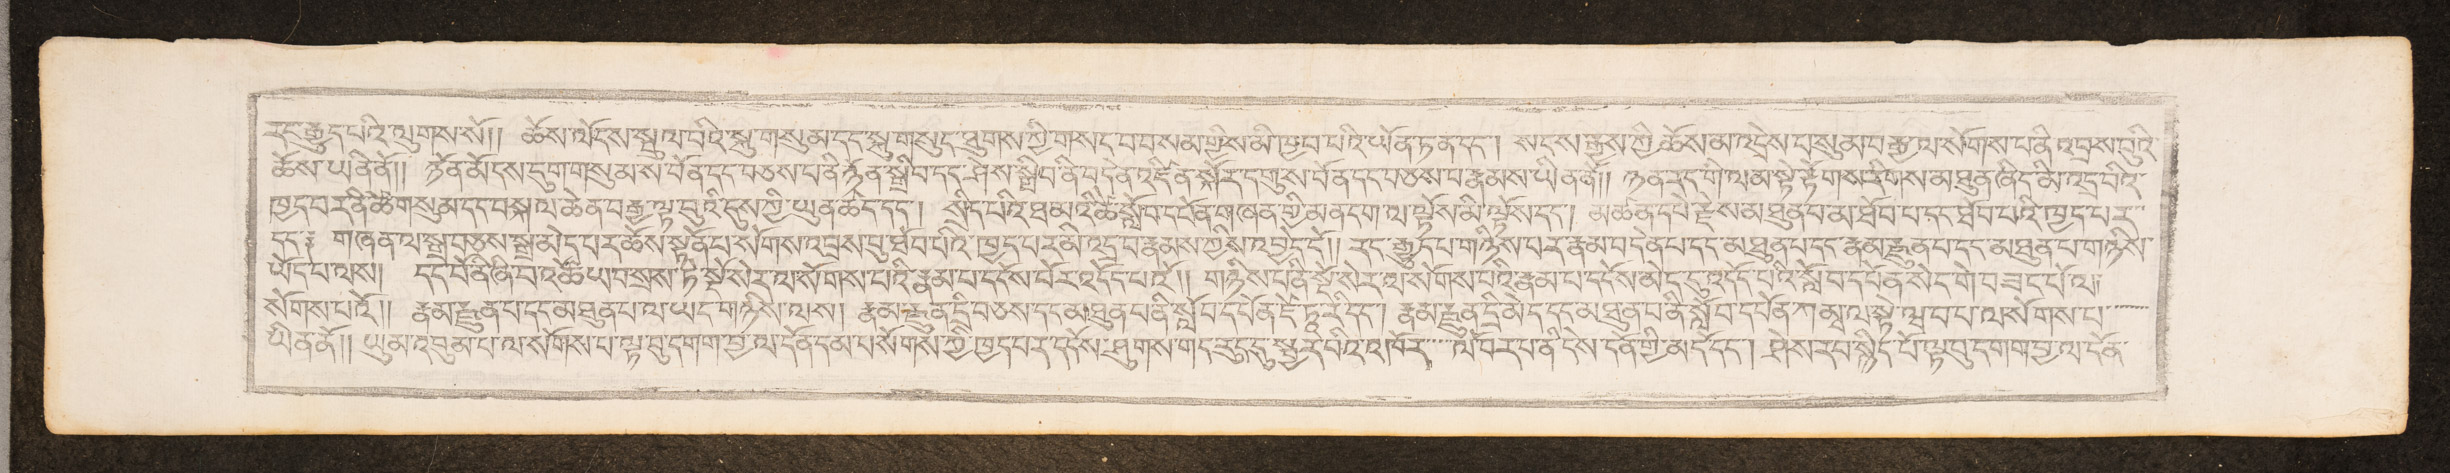རང་རྒྱུད་པའི་ལུགས་སོ། །ཆོས་ལོངས་སྤྲུལ་བའི་སྐུ་གསུམ་དང་སྐུ་གསུང་ཐུགས་ཀྱི་གསང་བ་བསམ་གྱིས་མི་ཁྱབ་པའི་ཡོན་ཏན་དང་། སངས་རྒྱས་ཀྱི་ཆོས་མ་འདྲེས་པ་སུམ་བརྒྱ་ལ་སོགས་པ་ནི་འབྲས་བུའི་
ཆོས་ཡིན་ནོ།། ཉོན་མོངས་དུག་གསུམ་ས་བོན་དང་བཅས་པ་ནི་ཉོན་སྒྲིབ་དང་ཤེས་སྒྲིབ་ནི་བདེན་འཛིན་སྐོར་དགུ་ས་བོན་དང་བཅས་པ་རྣམས་ཡིན་ནོ། །ཉན་རང་གི་ལམ་སྟེ་རྟོགས་རིགས་མཐུན་ཞིང་མི་འདྲ་བའི་
ཁྱད་པར་ནི་ཚེ་གསུམ་དང་བསྐལ་ཆེན་བརྒྱ་ལྟ་བུའི་དུས་ཀྱི་ཡུན་ཚད་དང་། སྲིད་པའི་ཐ་མའི་ཚེ་སློབ་དཔོན་གཞན་གྱི་མན་ངག་ལ་ལྟོས་མི་ལྟོས་དང་། མཚན་དཔེ་རྗེས་མཐུན་པ་མ་ཐོབ་པ་དང་ཐོབ་པའི་ཁྱད་པར་
དང༑ གཞན་ལ་སྒྲ་བཅས་སྒྲ་མེད་པར་ཆོས་སྟོན་པ་སོགས་འབྲས་བུ་ཐོབ་པའི་ཁྱད་པར་མི་འདྲ་བ་རྣམས་ཀྱིས་འབྱེད་དོ། །རང་རྒྱུད་པ་གཉིས་པར་རྣམ་བདེན་པ་དང་མཐུན་པ་དང་རྣམ་རྫུན་པ་དང་མཐུན་པ་གཉིས་
ཡོད་པ་ལས། དད་པོ་ནི་ཞི་བ་འཚོ་ཡབ་སྲས་ཏེ་སྡོ་སེར་ལ་སོགས་པའི་རྣམ་པ་དངོས་པོར་འདོད་པའོ། །གཉིས་པ་ནི་སྡོ་སེར་ལ་སོགས་པའི་རྣམ་པ་དངོས་མེད་དུ་འདོད་པའི་སློབ་དཔོན་སེང་གེ་བཟང་པོ་ལ་
སོགས་པའོ། །རྣམ་རྫུན་པ་དང་མཐུན་པ་ལ་ཡང་གཉིས་ལས། རྣམ་རྫུན་དྲི་བཅས་དང་མཐུན་པ་ནི་སློབ་དཔོན་ཛེ་ཏཱ་རི་དང་། རྣམ་རྫུན་དྲི་མེད་དང་མཐུན་པ་ནི་སློབ་དཔོན་ཀ་མྭ་ལ་སྟེ་ཝ་བ་པ་ལ་སོགས་པ་
ཡིན་ནོ། །ཡུམ་འབུམ་པ་ལ་སོགས་པ་ལྟ་བུ་དགག་བྱ་ལ་དོན་དམ་པ་སོགས་ཀྱི་ཁྱད་པར་དངོས་ཤུགས་གང་རུང་དུ་སྦྱར་བའི་འཁོར་ལོ་བར་པ་ནི་ངེས་དོན་གྱི་མདོ་དང་། ཤེས་རབ་སྙིང་པོ་ལྟ་བུ་དགག་བྱ་ལ་དོན་